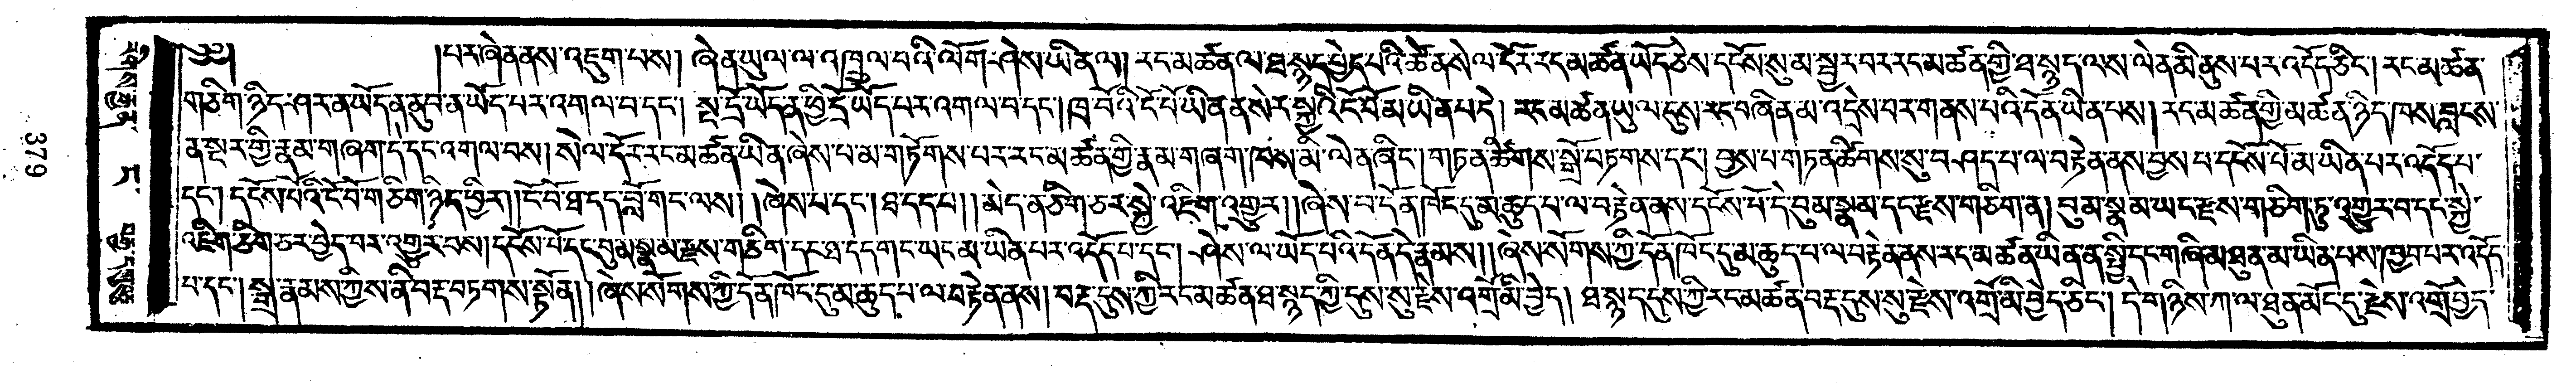༄༅། །པར་ཞེན་ནས་འཇུག་པས། ཞེན་ཡུལ་ལ་འཁྲུལ་བའི་ལོག་ཤེས་ཡིན་ལ། རང་མཚན་ལ་ཐ་སྙད་བྱེད་པའི་ཚེ་ན་སེལ་ངོར་རང་མཚན་ཡོད་ཅེས་དངོས་སུ་མ་སྦྱར་བར་རང་མཚན་གྱི་ཐ་སྙད་ལས་ལེན་མི་ནུས་པར་འདོད་ཅིང་། རང་མཚན་
གཅིག་ཉིད་ཤར་ན་ཡོད་ན་ནུབ་ན་ཡོད་པར་འགལ་བ་དང་། སྔ་དྲོ་ཡོད་ན་ཕྱི་དྲོ་ཡོད་པར་འགལ་བ་དང་། ཁྲ་བོའི་ངོ་བོ་ཡིན་ན་སེར་སྐྱའི་ངོ་བོ་མ་ཡིན་པ་དེ། རང་མཚན་ཡུལ་དུས་རང་བཞིན་མ་འདྲེས་པར་གནས་པའི་དོན་ཡིན་པས། རང་མཚན་གྱི་མཚན་ཉིད་ཁས་བླངས་
ན་སྔར་གྱི་རྣམ་གཞག་དེ་དང་འགལ་བས། སེལ་ངོར་རང་མཚན་ཡིན་ཞེས་པ་མ་གཏོགས་པར་རང་མཚན་གྱི་རྣམ་གཞག་ཁས་མི་ལེན་ཞིང་། གཏན་ཚིགས་སྒྲོ་བཏགས་དང་། བྱས་པ་གཏན་ཚིགས་སུ་བཤད་པ་ལ་བརྟེན་ནས་བྱས་པ་དངོས་པོ་མ་ཡིན་པར་འདོད་པ་
དང་། དངོས་པོའི་ངོ་བོ་གཅིག་ཉིད་ཕྱིར། །ངོ་བོ་ཐ་དད་བློ་གང་ལས། །ཞེས་པ་དང་། ཐ་དད་པ། །མེད་ན་ཅིག་ཅར་སྐྱེ་འཇིག་འགྱུར། །ཞེས་པ་དོན་ཁོང་དུ་མ་ཆུད་པ་ལ་བརྟེན་ནས་དངོས་པོ་དེ་བུམ་སྣམ་དང་རྫས་གཅིག་ན། བུམ་སྣམ་ཡང་རྫས་གཅིག་ཏུ་འགྱུར་བ་དང་སྐྱེ་
འཇིག་ཅིག་ཅར་བྱེད་པར་འགྱུར་བས། དངོས་པོ་དང་བུམ་སྣམ་རྫས་གཅིག་དང་ཐ་དད་གང་ཡང་མ་ཡིན་པར་འདོད་པ་དང་། ཤེས་ལ་ཡོད་པའི་དོན་དེ་རྣམས། །ཞེས་སོགས་ཀྱི་དོན་ཁོང་དུ་མ་ཆུད་པ་ལ་བརྟེན་ནས་རང་མཚན་ཡིན་ན་སྤྱི་དང་གཞི་མཐུན་མ་ཡིན་པས་ཁྱབ་པར་འདོད་
པ་དང་། སྒྲ་རྣམས་ཀྱིས་ནི་བརྡ་བཏགས་སྟོན། །ཞེས་སོགས་ཀྱི་དོན་ཁོང་དུ་མ་ཆུད་པ་ལ་བརྟེན་ནས། བརྡ་དུས་ཀྱི་རང་མཚན་ཐ་སྙད་ཀྱི་དུས་སུ་རྗེས་འགྲོ་མི་བྱེད། ཐ་སྙད་དུས་ཀྱི་རང་མཚན་བརྡ་དུས་སུ་རྗེས་འགྲོ་མི་བྱེད་ཅིང་། དེ་གཉིས་ཀ་ལ་ཐུན་མོང་དུ་རྗེས་འགྲོ་བྱེད་